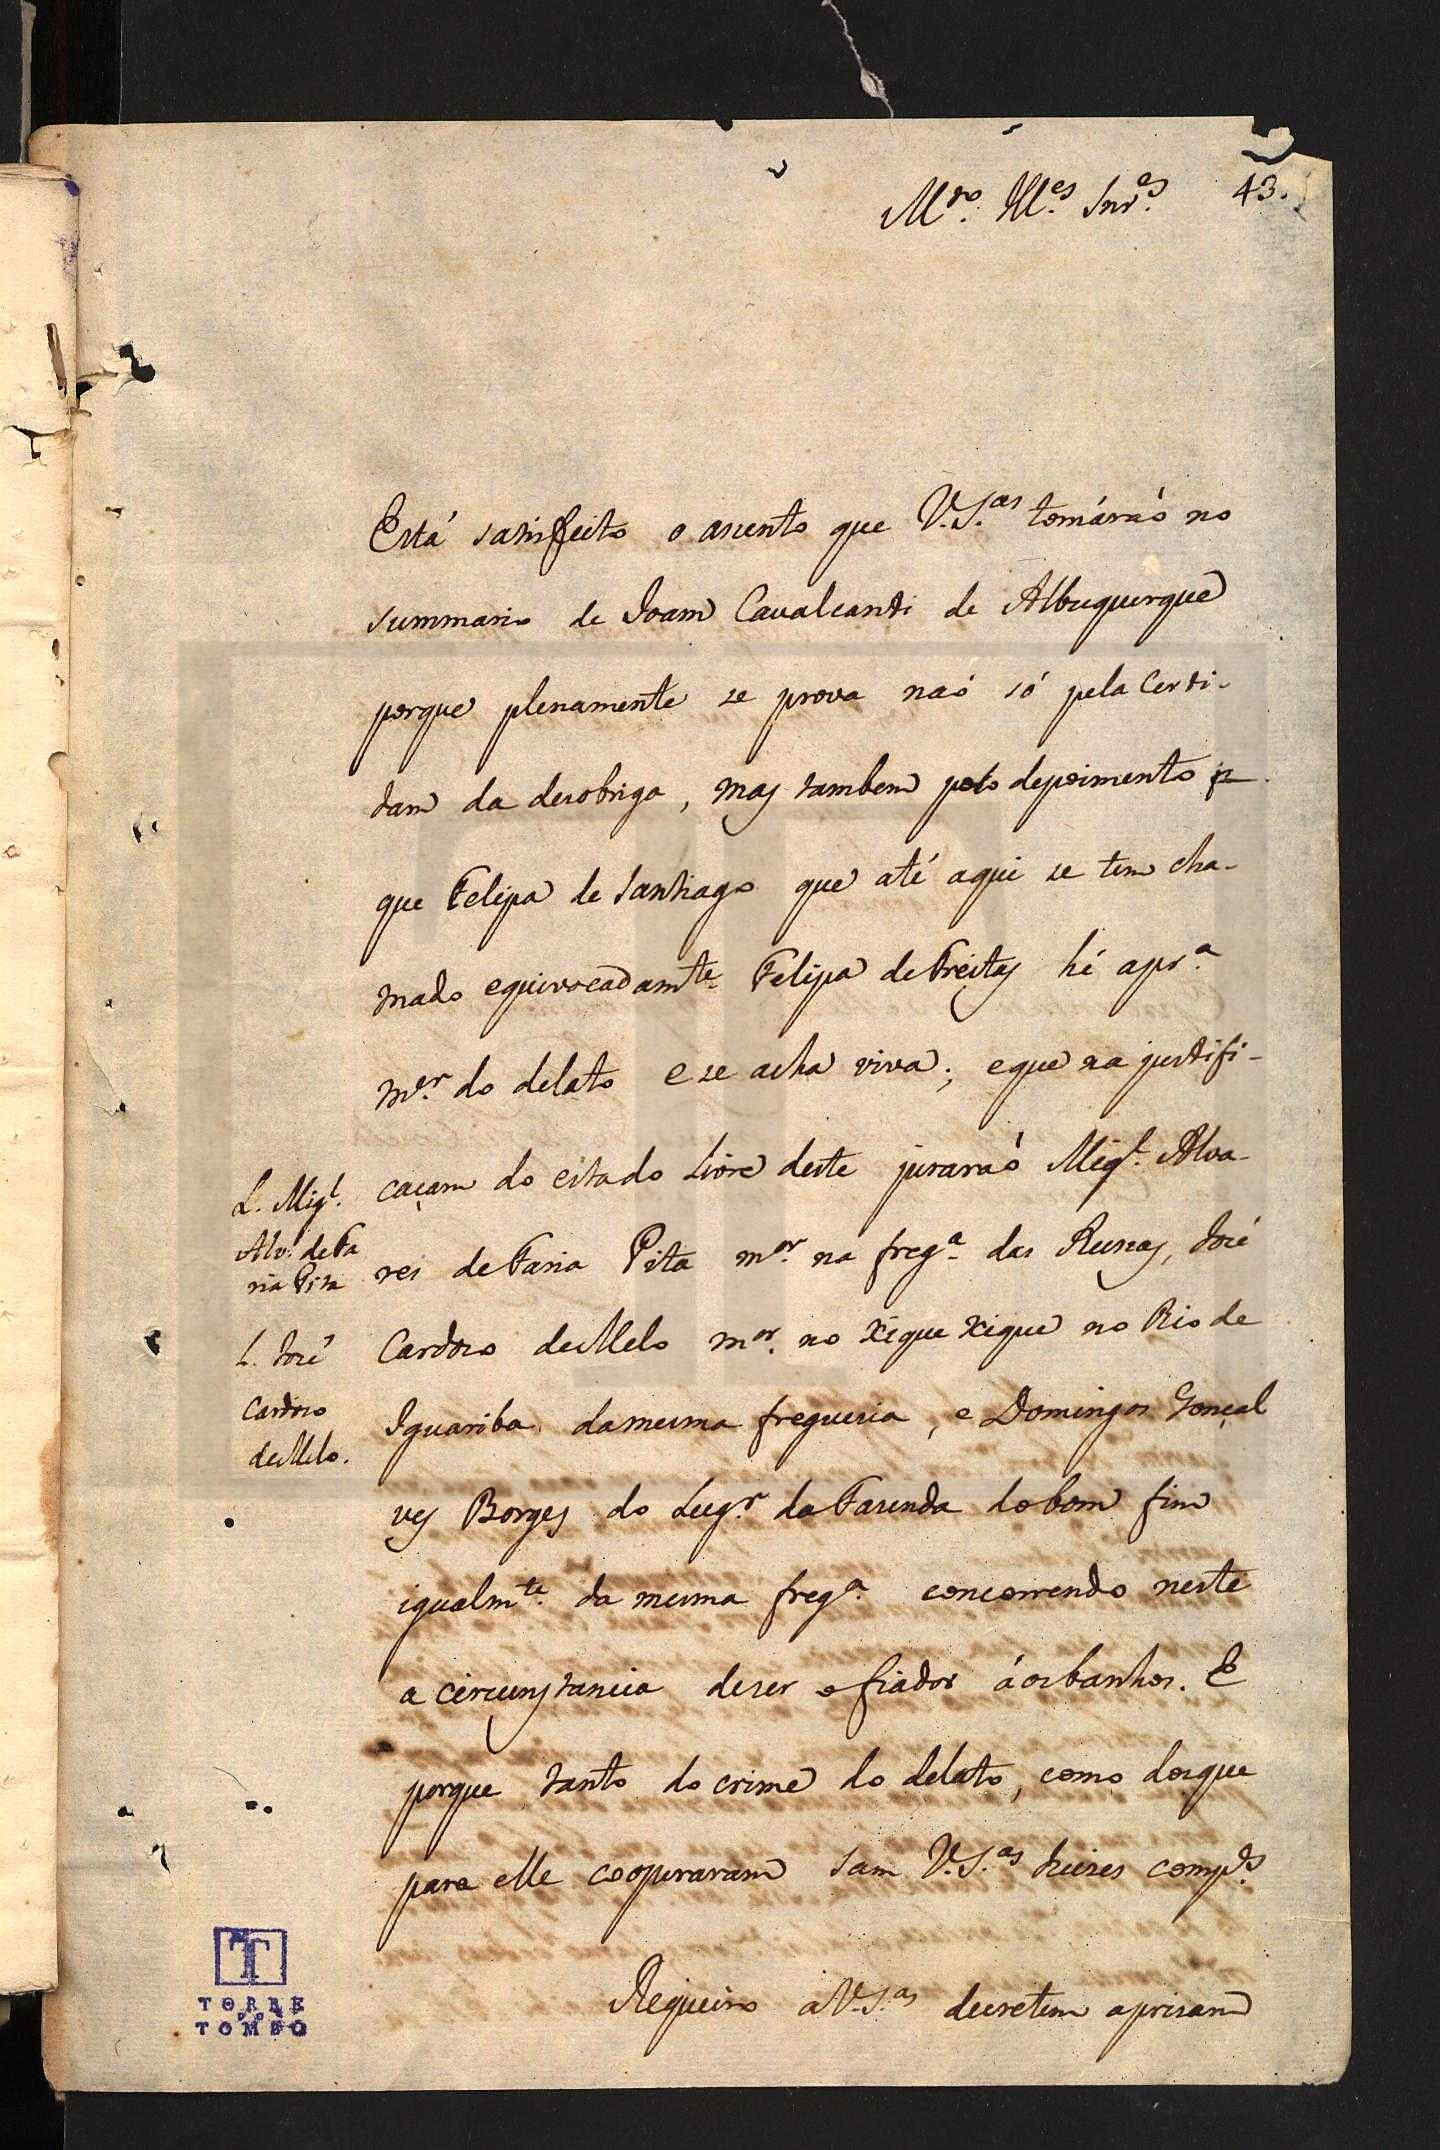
Mto. Ill.es Snr.es
Está satisfeito o assento que V. S.as tomáraõ no
summario de Ioam Caualcanti de Albuquerque
porque plenamente se prova naõ só pela certi
dam da desobriga, mas tambem pelo depoimento ṗ
que Felipa de Santiago que até aqui se tem cha
mado equivocadam.te Felipa de Freitas hé a pr.a
m.er do delato e se acha viva; e que na justifi
caçam do estado Livre deste juraraõ Mig.l Alva
L. Mig.l
res de Faria Pita m.or na freg.a das Russas, Iozé
Alv. de Fa
ria Pita
Cardozo de Melo m.or no xique xique no Rio de
L. Iozé
Iguariba da mesma freguezia, e Domingos Gonçal
cardozo
de Melo.
ves Borges do Lug.r da Fazenda do bom fim
igualm.te da mesma freg.a concorrendo neste
a circunstancia de ser o fiador áos banhos. E
porque tanto do crime do delato, como dos que
para elle cooperaram sam V. S.as Iuizes comp.es
Requeiro a V.S.as decretem a prizam
